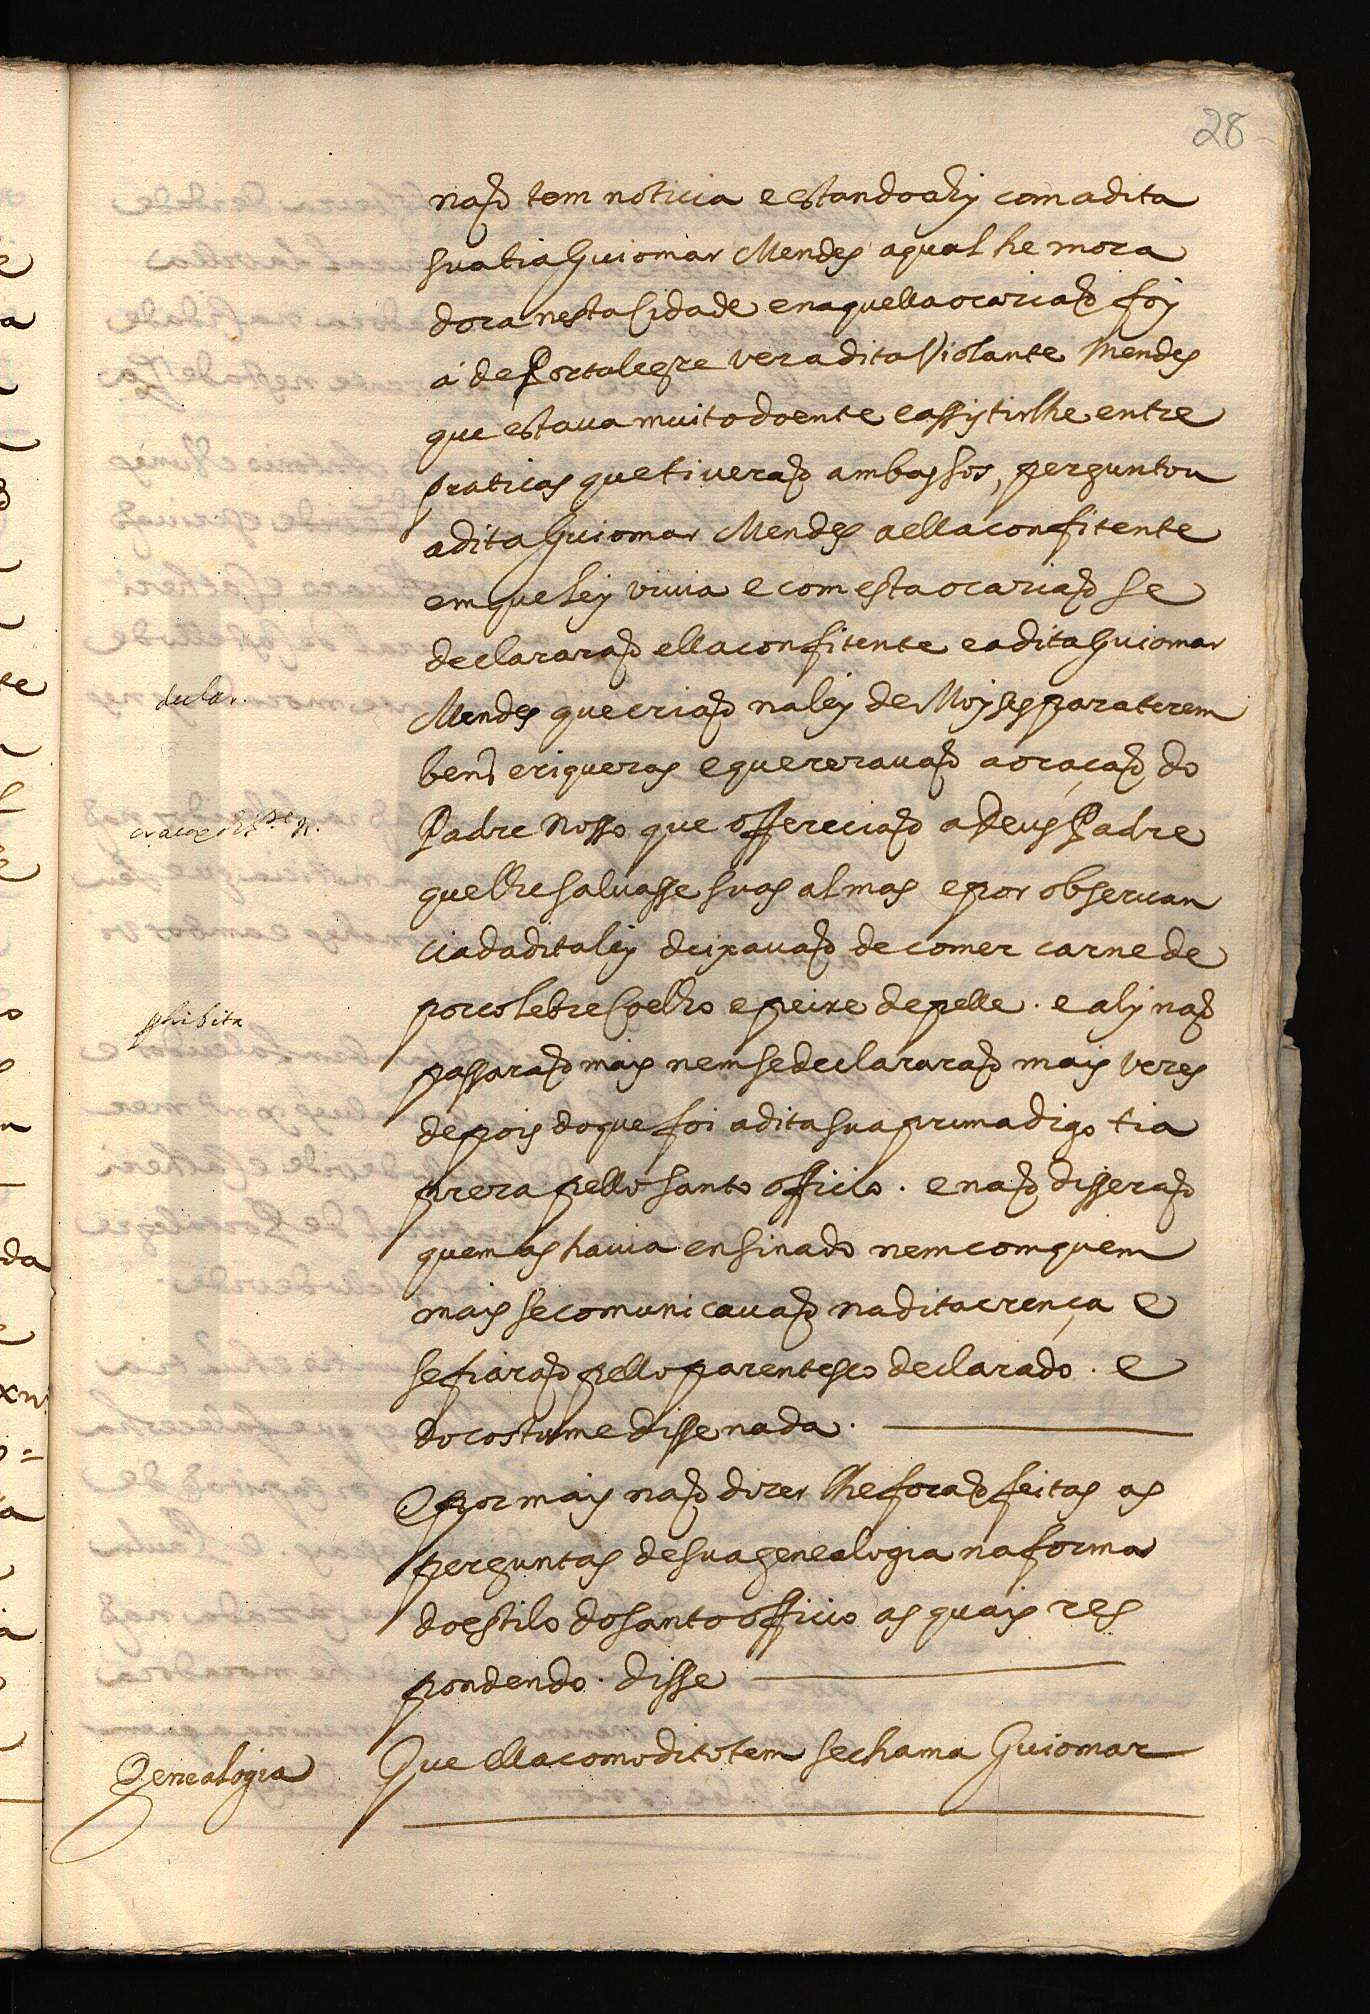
naõ tem noticia e estando ahy com a dita
sua tia Guiomar Mendes a quaL he mora
dora nesta Cidade e naquella ocaziaõ foy
á de Portalegre ver a dita Violante Mendes
que estaua muito doente e assistirlhe entre
praticas que tiueraõ ambas sos, perguntou
a dita Guiomar Mendes a ella confitente
em que Ley viuia e com esta ocaziaõ se
declararaõ ella confitente e a dita Guiomar
Mendes que criaõ na ley de Moyses para terem
bens e riquezas e que rezauaõ a oraçaõ do
Padre nosso que offereciaõ a Deus Padre
que lhe saluasse suas aLmas e por obseruan
cia da dita ley deixauaõ de comer carne de
porco Lebre Coelho e peixe de pelle. e aly naõ
passaraõ mais nem se declararaõ mais vezes
depois do que foi a dita sua prima digo tia
preza pello santo officio. e naõ disseraõ
quem as hauia ensinado nem com quem
mais se comunicauaõ na dita crença e
se fiaraõ pello parentesco declarado. e
do costume disse nada.
E por mais não dizer lhe foraõ feitas as
perguntas de sua genealogia na forma
do estilo do santo officio as quais res
pondendo. disse
Que ella como dito tem se chama Guiomar
